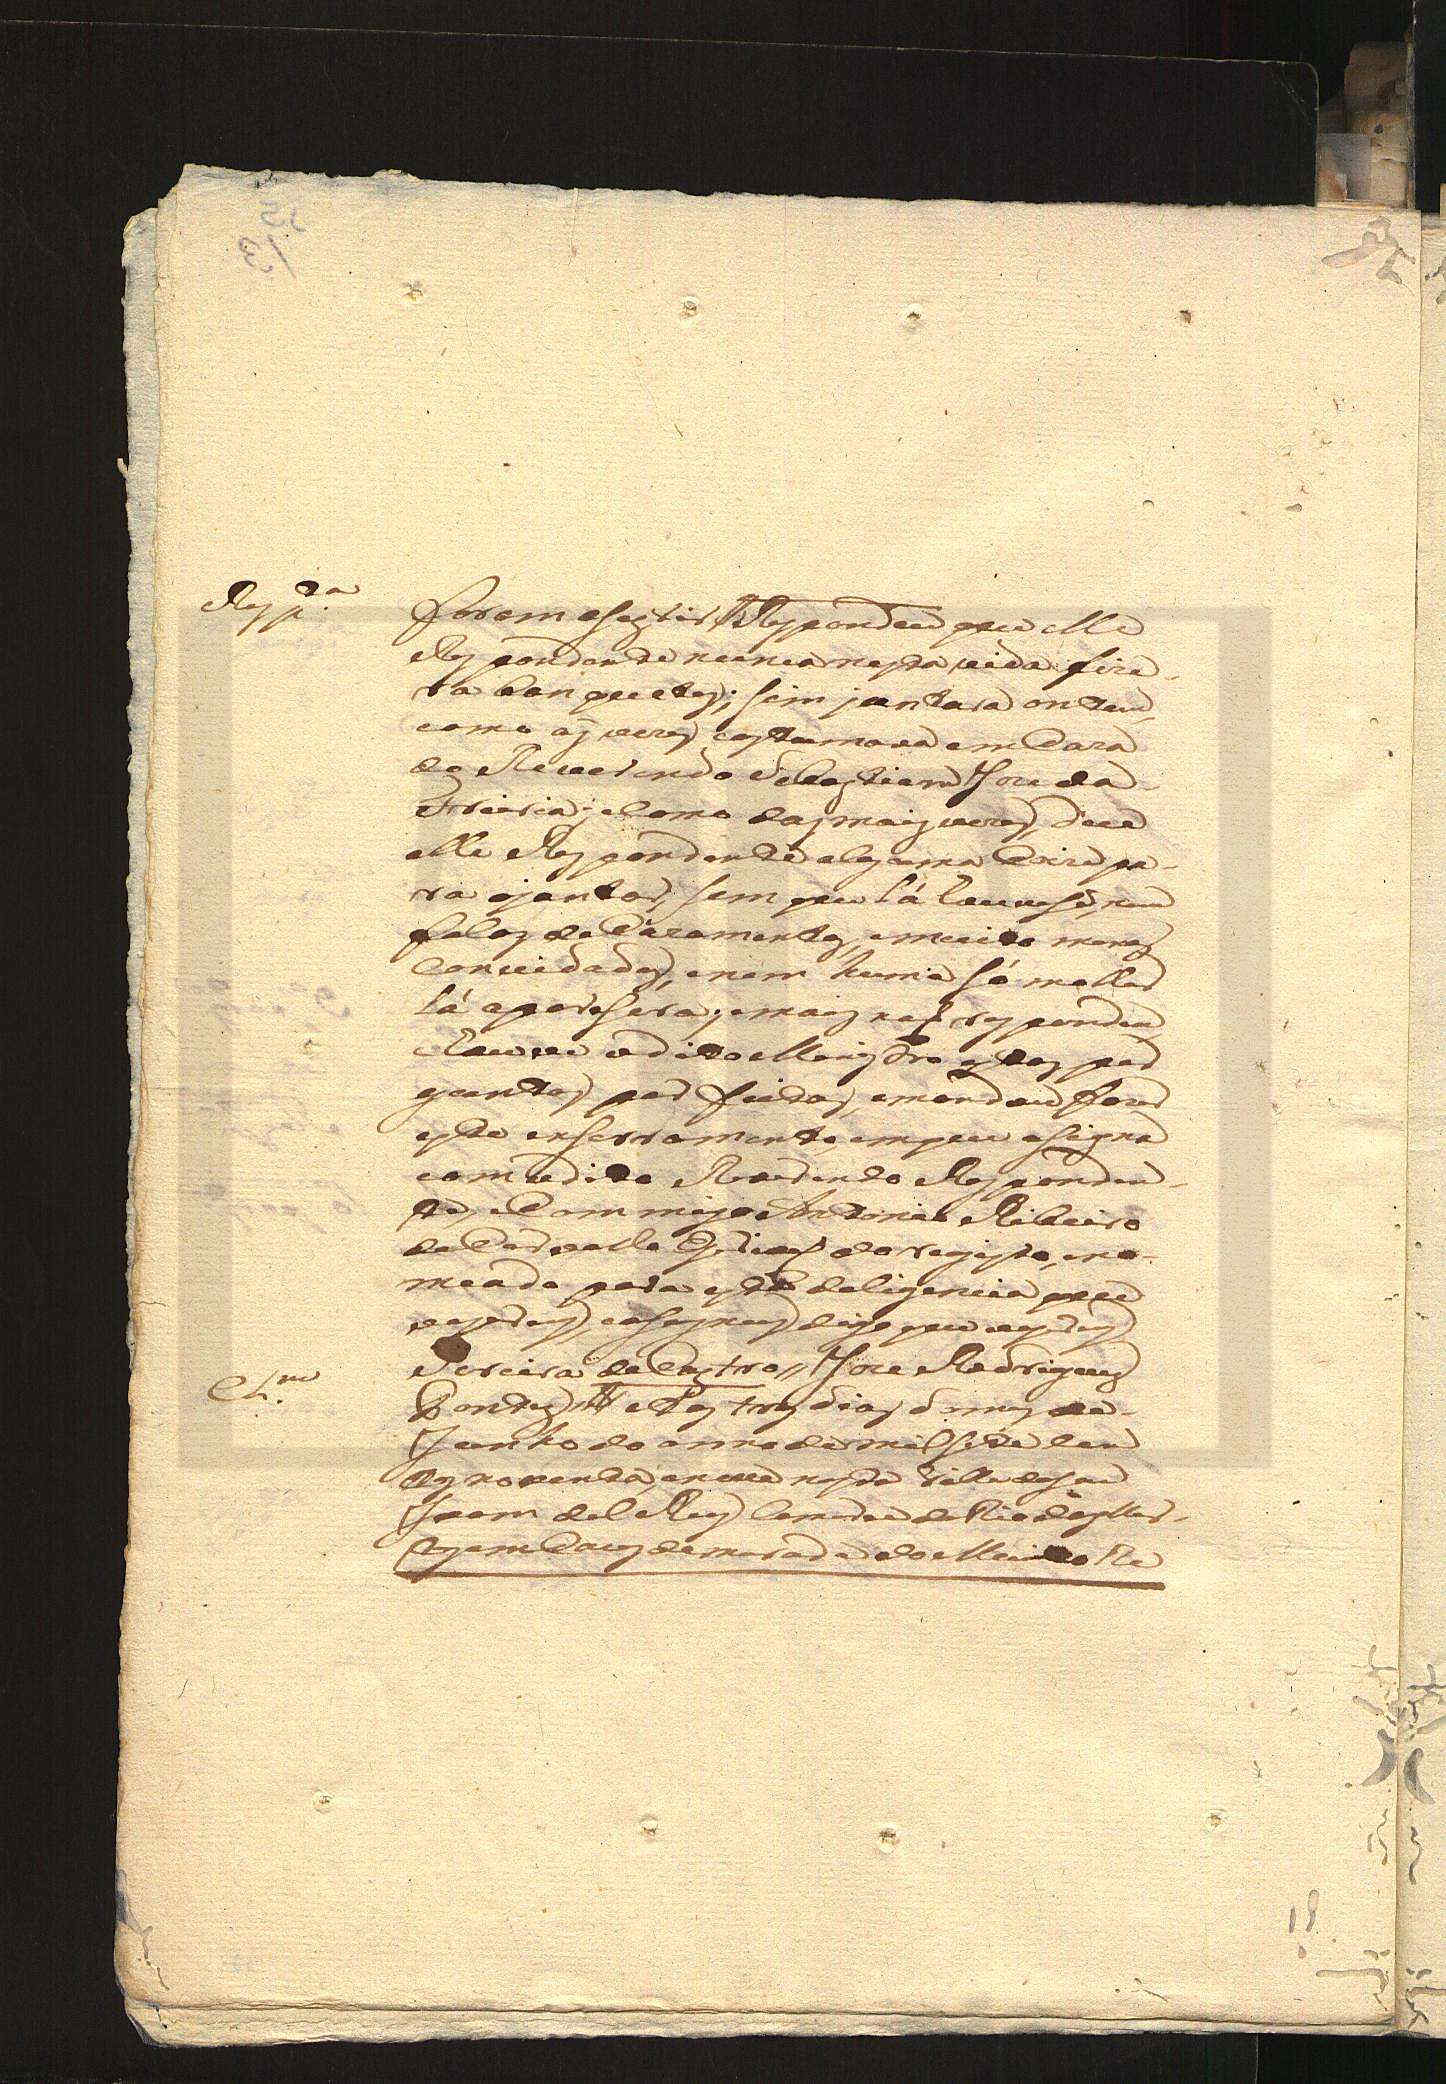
Resp.ta
Ch.m
forem asestir ? Respondeu que elle
Respondente nunca nesta vida fize
ra banquetes; sim jantara ontem
como as vezes costumava em caza
do Reverendo Sebastiam Joze da
Freiria- e como das mais vezes, dice
elle Respondente alguma coiza pa
ra o jantar, sem que lá comese, nem
falaz de Cazamentos, e muito menos
convidados, e nem huma só molher
lá aparesera; mais naꝭ respondem
chamouce o dito Menistro estas par
guntas por feitas, e mandou fazer
este enserramento, em que asigna
com o dito Reverendo Responde
te, e commigo Antonio Ribeiro
de Carvalho Escrivaꝭ do registo, no
meado para esta deligencia que
o escrevy, e asegney digo que o escrevy
Pereira de Castro// Joze Rodrigues
Pontez// ? Aos tres dias do mes de
Junho do anno de mil setecen
tos noventa, e nove nesta villa de san
Joam del Rey Comarca do Rio das Mor
tes em cazas de morada do Muito Re
